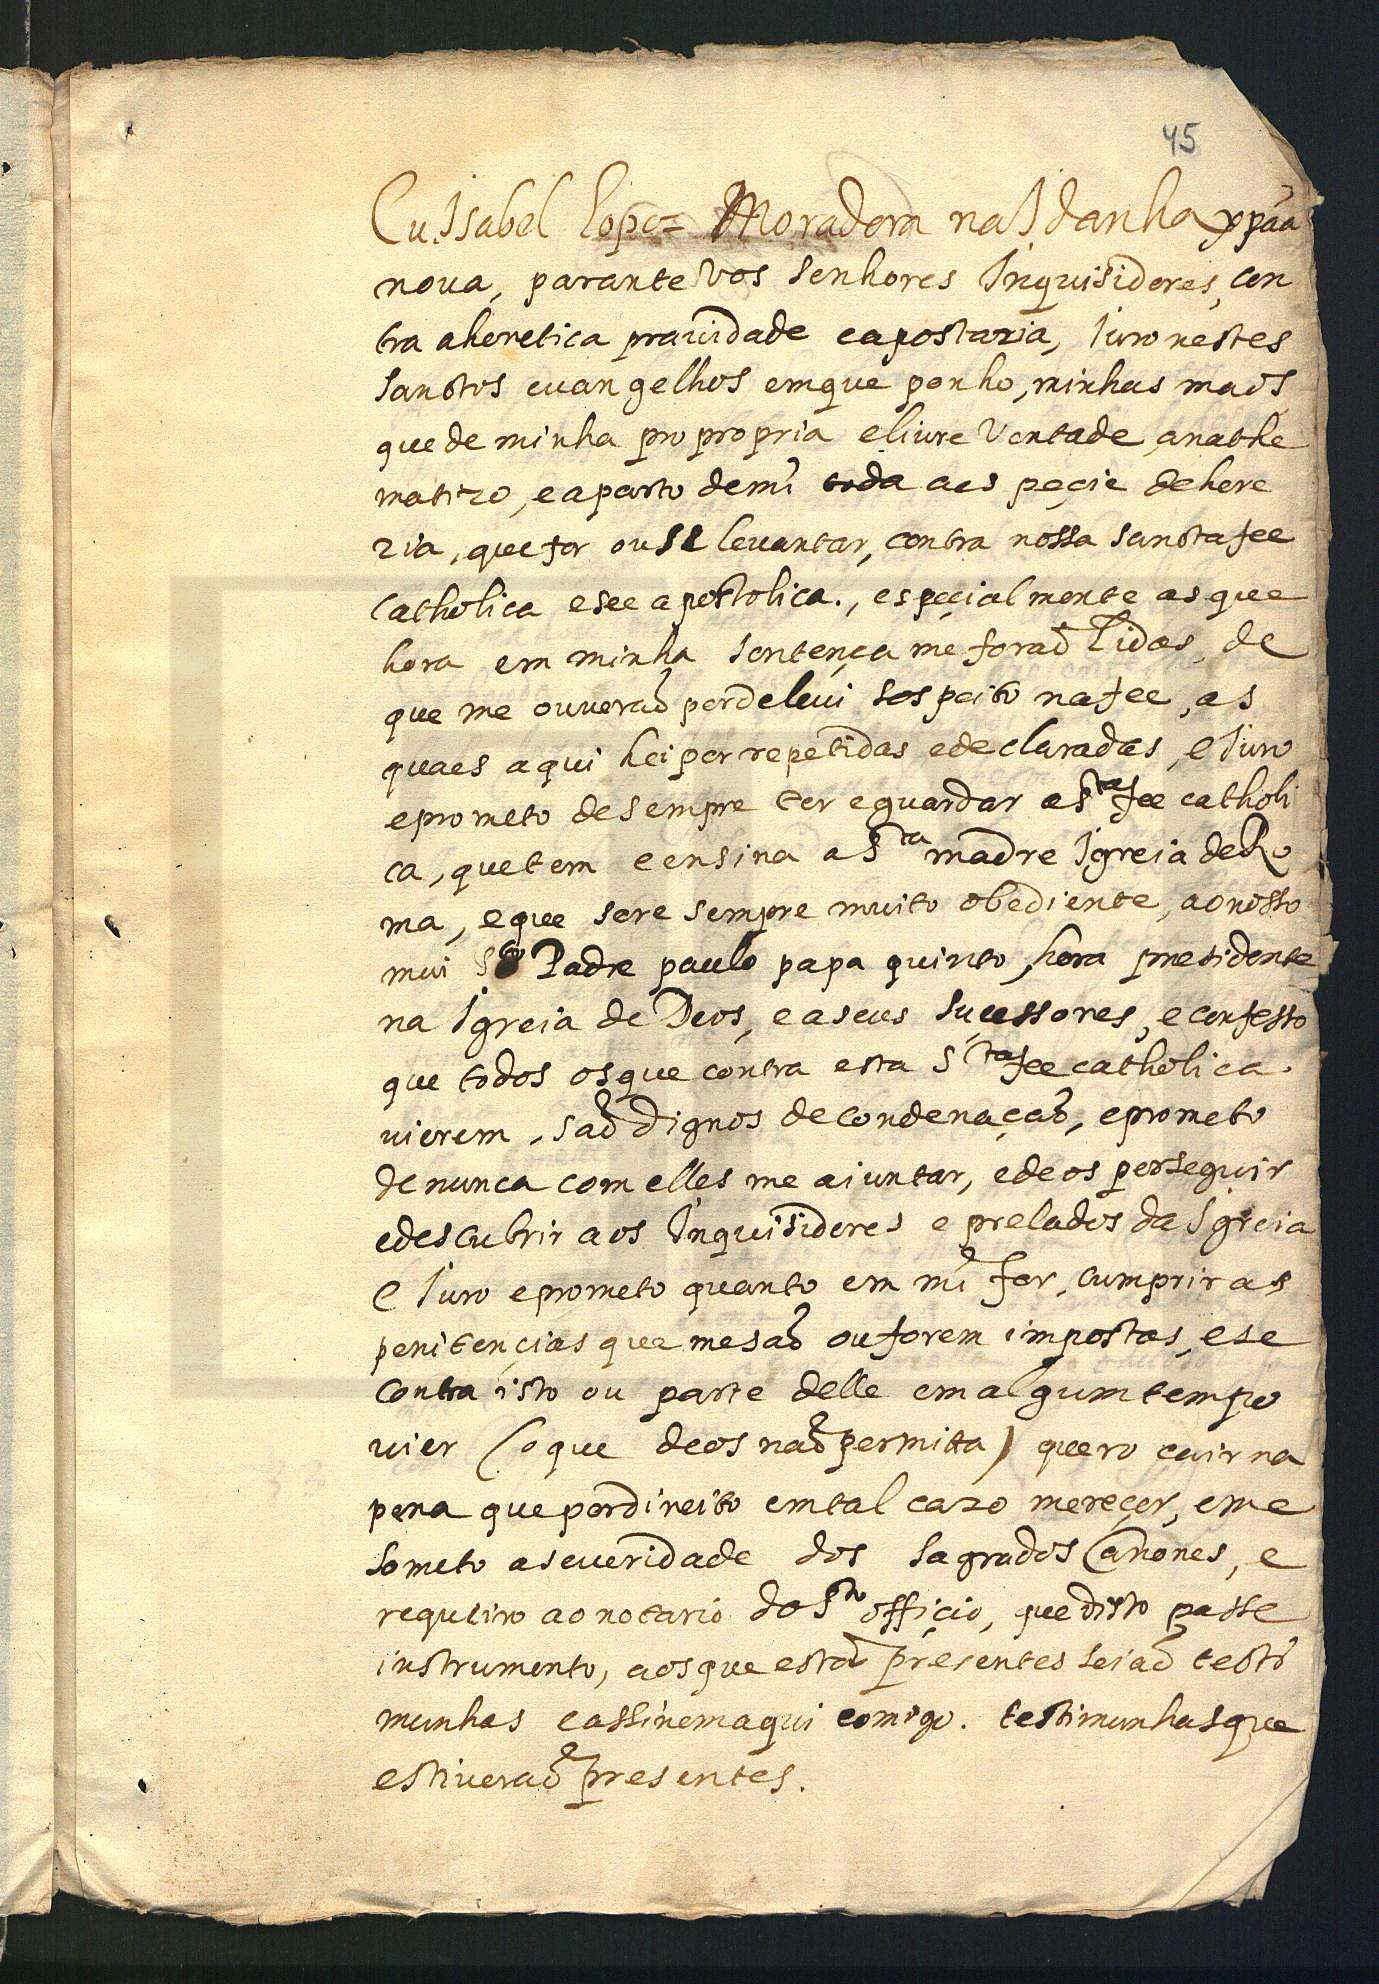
Eu Isabel Lopez moradora na Idanha xpāa
noua, parante vos senhores Inquisidores, con
tra a heretica prauidade e apostazia, Iuro nestes
Sanctos euangelhos em que ponho, minhas maos
que de minha propropria e liure vontade, anathe
matizo, e aparto de mī toda a especie de here
zia, que for ou se leuantar, contra nossa sancta fee
catholica e see apostolica, especialmente as que
hora em minha sentença me foraõ lidas, de
que me ouueraõ per de leui sospeito na fee, as
quaes aqui hei per repetidas e declaradas, e Iuro
e prometo de sempre ter e guardar a sta fee catholi
ca, que tem e ensina a sta madre Igreia de Ro
ma, e que sere sempre muito obediente, ao nosso
mui sto Padre paulo papa quinto, hora presidente
na Igreia de Deos, e a seus sucessores, e confesso
que todos os que contra esta sta fee catholica,
uierem, saõ dignos de condenaçaõ, e prometo
de nunca com elles me aiuntar, e de os perseguir
e descubrir aos Inquisidores e prelados da Igreia
e Iuro e prometo quanto em mī for, cumprir as
penitencias que me saõ ou forem impostas, e se
contra isto ou parte delle em algum tempo
uier (o que deos naõ permita) quero cair na
pena que per direito em tal cazo merecer, e me
someto a seueridade dos sagrados Canones, e
requeiro ao notario do sto officio, que disto passe
instrumento, aos que estaõ presentes seiaõ teste
munhas e assinem aqui comigo. testimunhas que
estiueraõ presentes.
